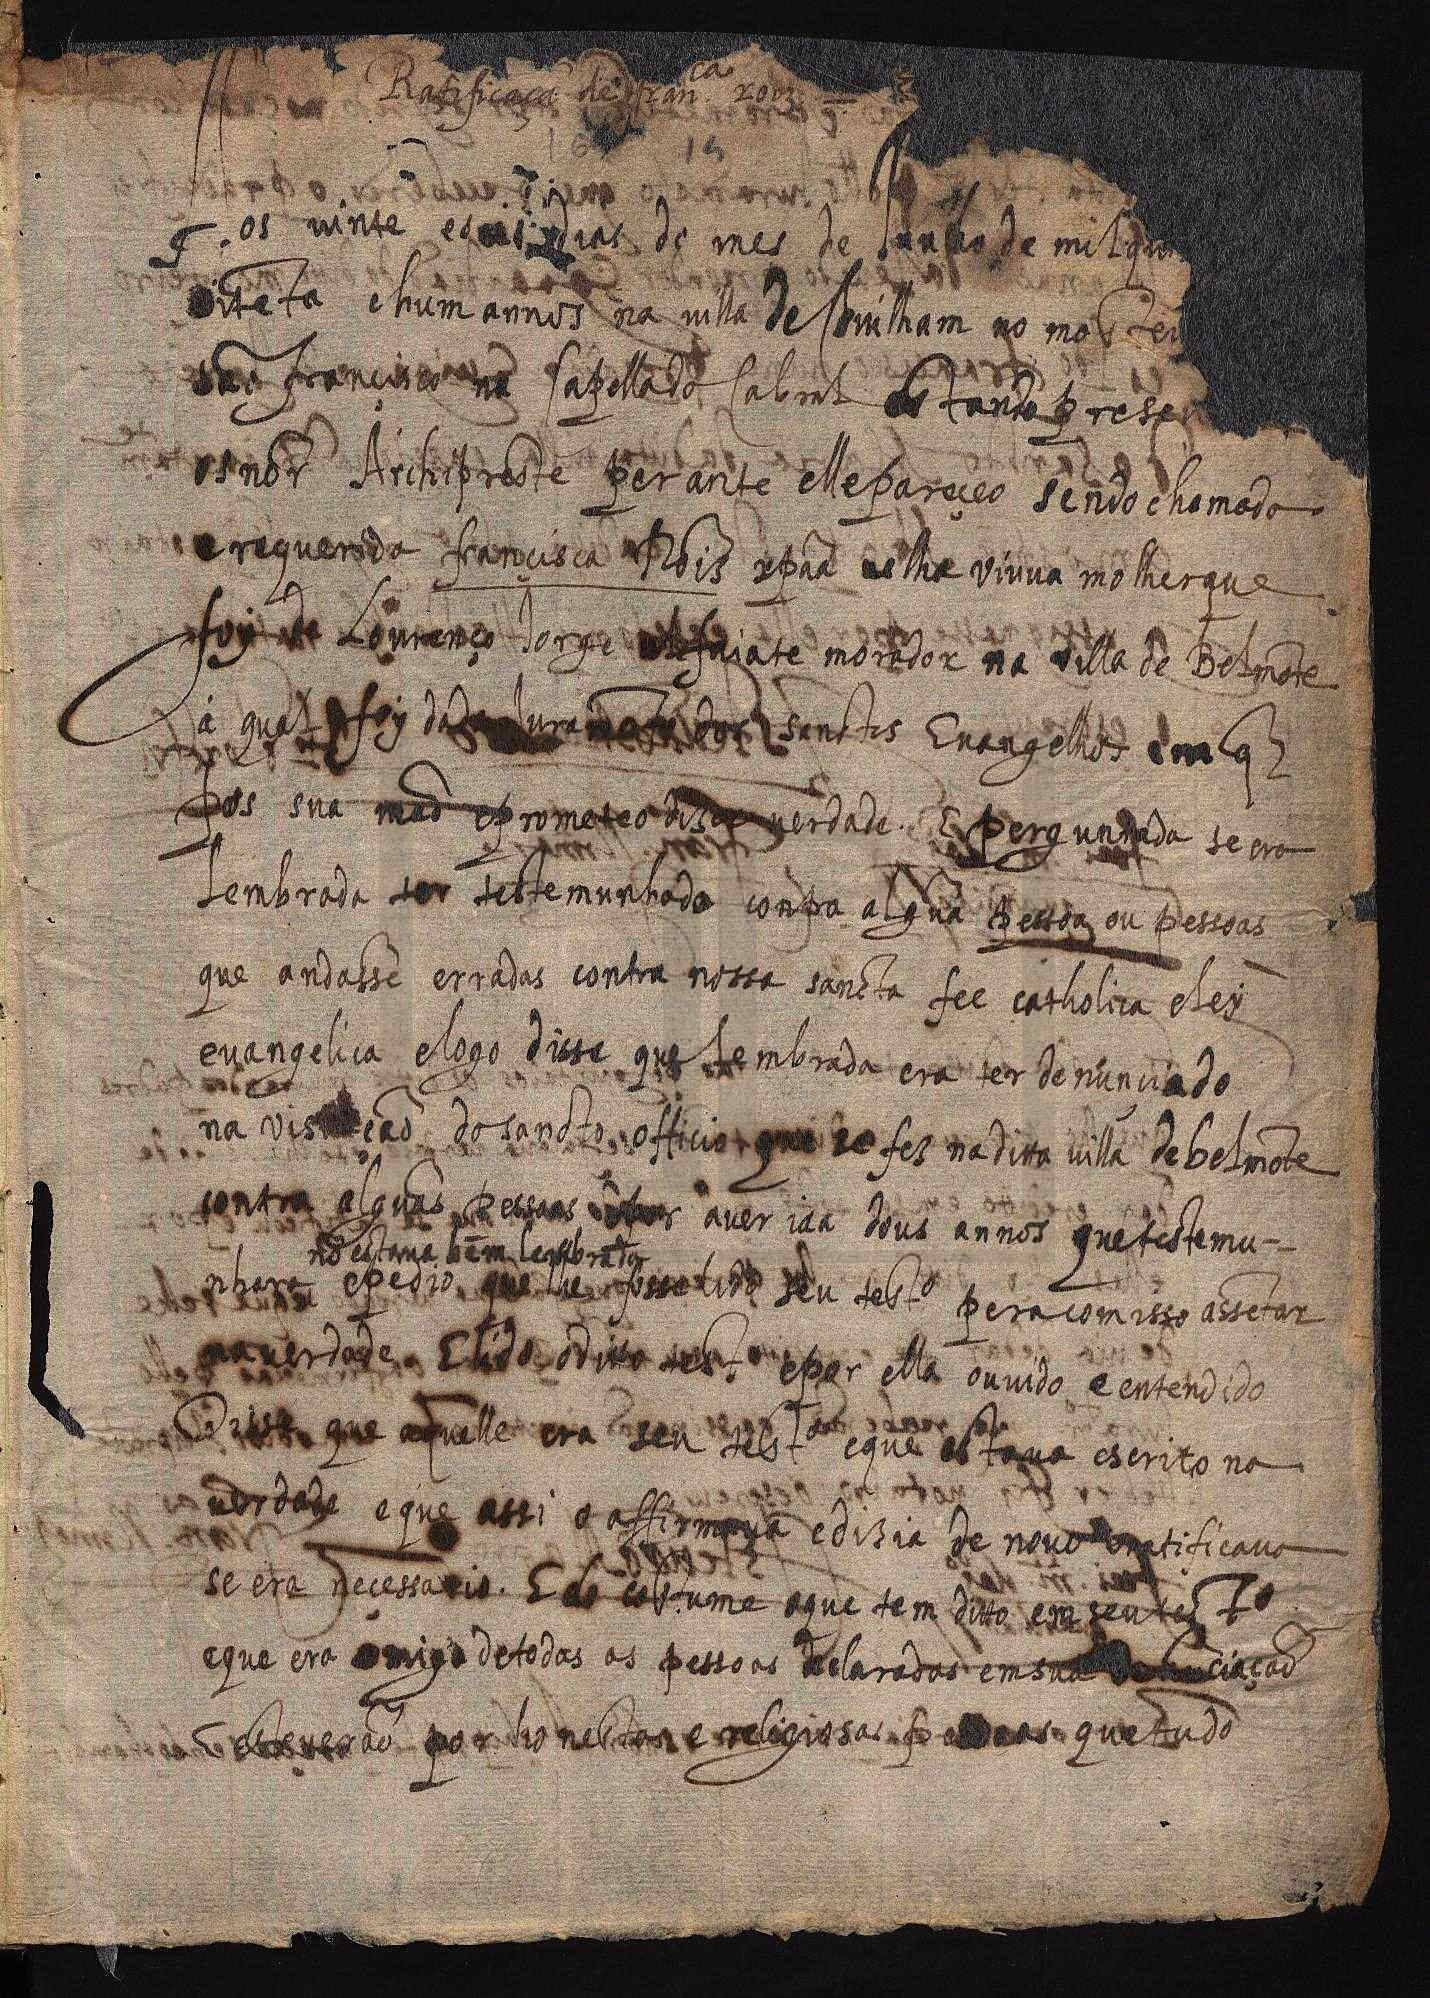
Ratificaçā de franca roiz
Aos uinte e seis dias do mes de Junho de mil qui
oitēta e hum annos na uilla de Couilham no mostei
são françisco na Capella do Cabral estando presen
o snor̄ Archipreste perante elle pareçeo sendo chamada
e requerida françisca Roīz xpaā uelha viuua molher que
foy de Lourenço Jorge alfaiate morador na villa de Belmōte
a qual foy dado Juramēto dos sanctos Euangelhos em q̄
pos sua mão e prometeo dizer uerdade. E perguntada se era
lembrada ter testemunhado contra algūa pessoa ou pessoas
que andassē erradas contra nossa sancta fee catholica e ley
euangelica e logo disse que lembrada era ter denunçiado
na visi_ção do sancto officio que se fez na ditta uilla de belmōte
contra alguās pessoas e por auer iaa dous annos que testemu
nhara
nō estaua bēm lembrada
e pedio que lhe fosse lido seu testo pera com isso assētar
na uerdade E lido o ditto testo e por ella ouuido e entendido
Disse que aquelle era seu testo e que estaua escrito na
uerdade e que assi o affirmaua e dizia de nouo e ratificaua
se era necessario. E do costume o que tem ditto em seu testo
e que era amigo de todas as pessoas declaradas em sua de_ciaçaõ
E esteueraõ por honestas e religiosa pe_oas que tudo
